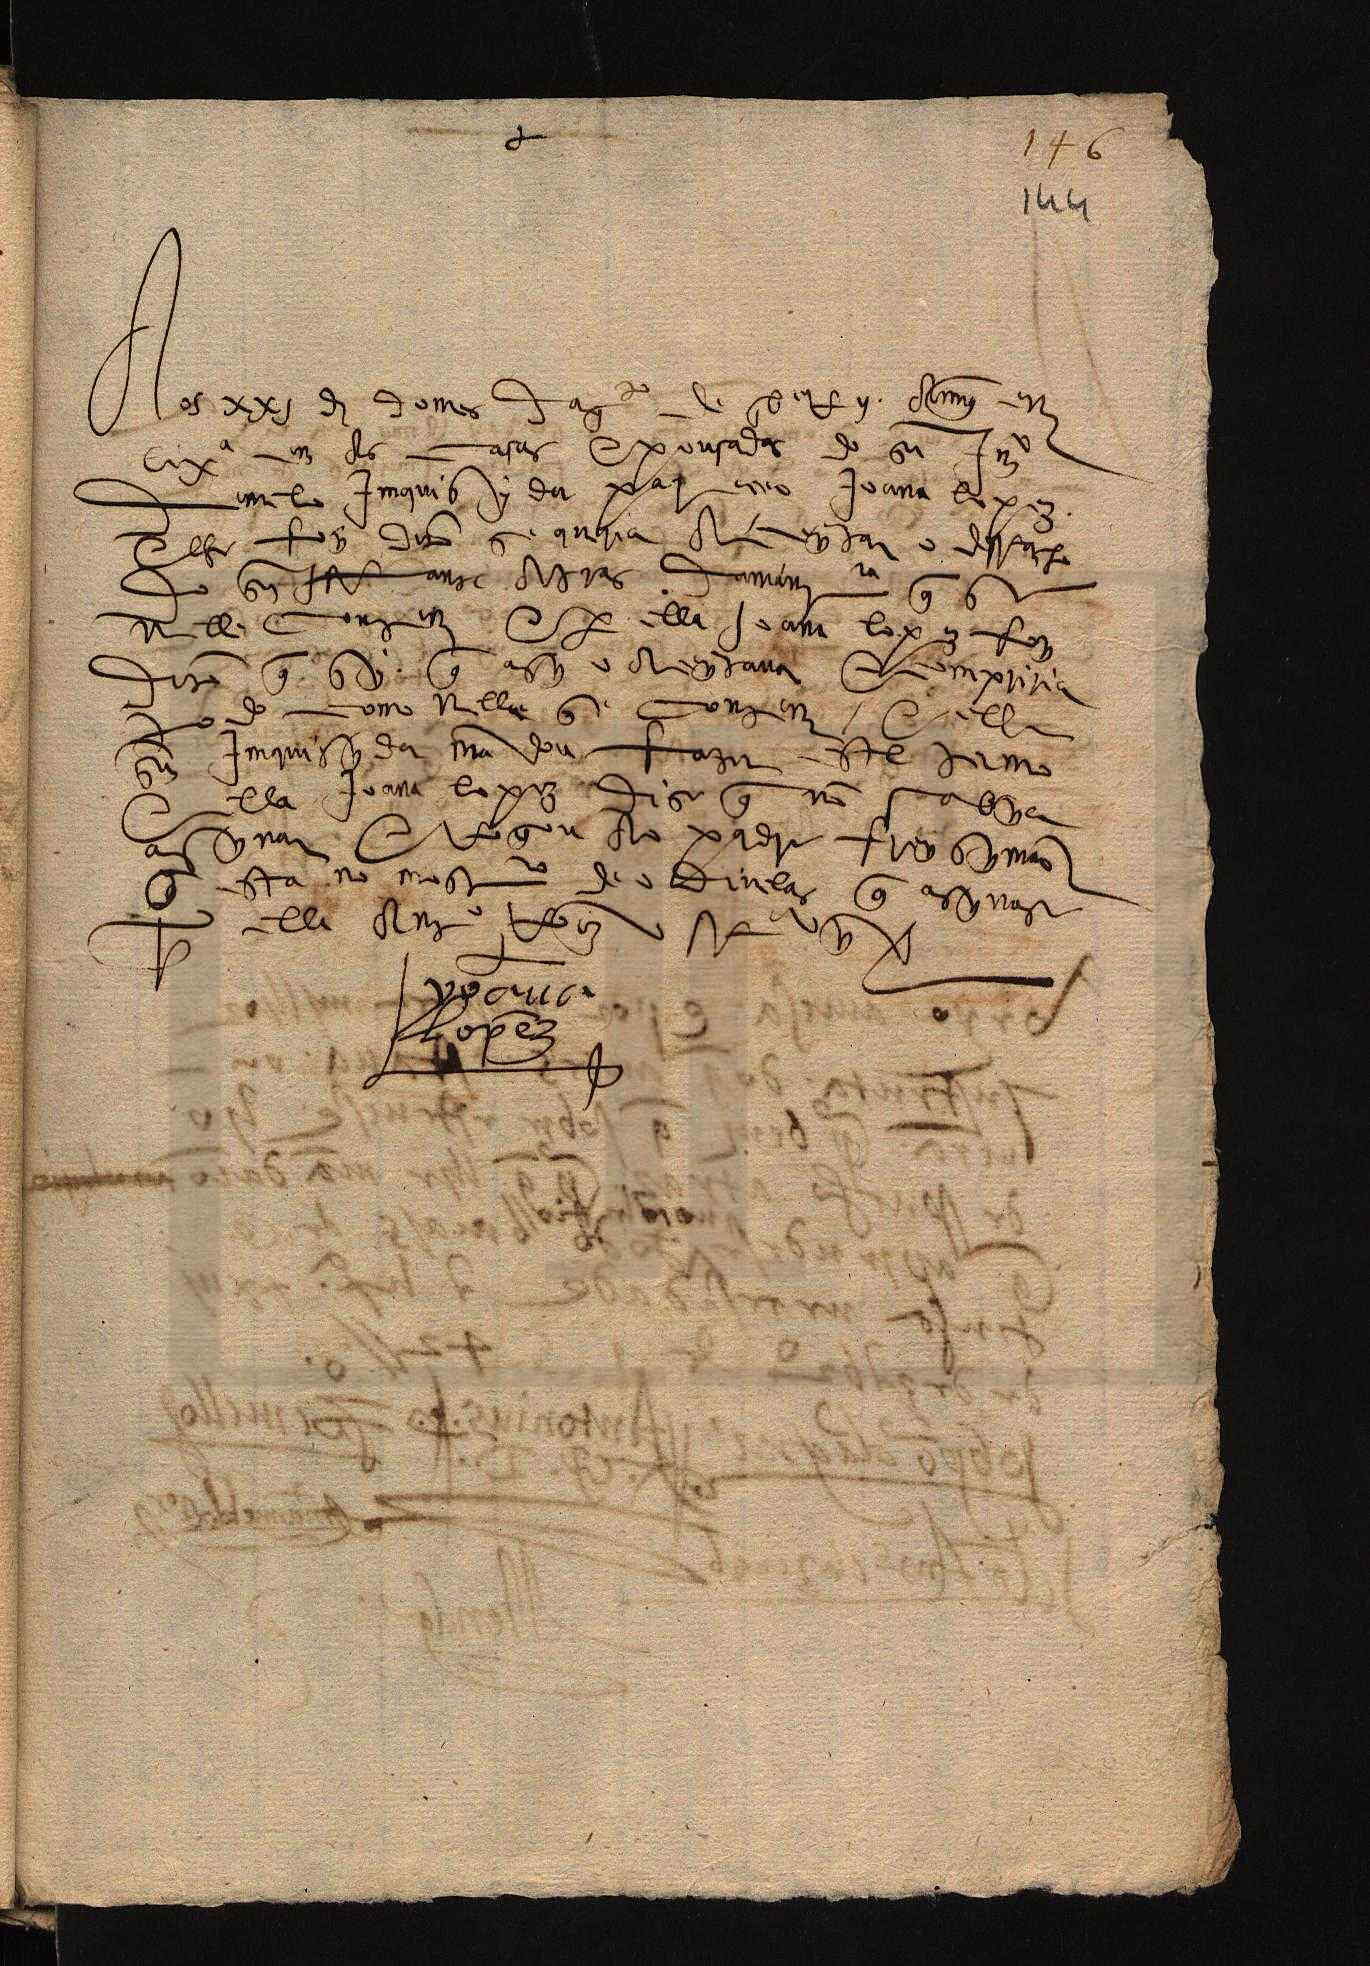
Aos xxj dj do mes dagto de j̄bcRij. Annꝯ em
lxa em As casas e pousadas do s̄or Jom
de melo Jmquisydor pareceo Joana lopez
e lhe foy dito se queria Aceytar o despacho
do s̄or Jffante Atras da manrra q̄ se
nele contem e ꝑ ella Joana lopez foy
dito q̄ sy q̄ asy o Aceytaua e compriria
todo como nelle se contem / e elle
s̄or Jmquisydor mādou fazer este termo
e ella Joana lopez dise q̄ nō sabya
asynar e Rogou Ao padre frey symão
q̄ esta no mostro de odiuelas q̄ asynase
p̄o ella Anto Rōiz o spivy
yoana
lopez
